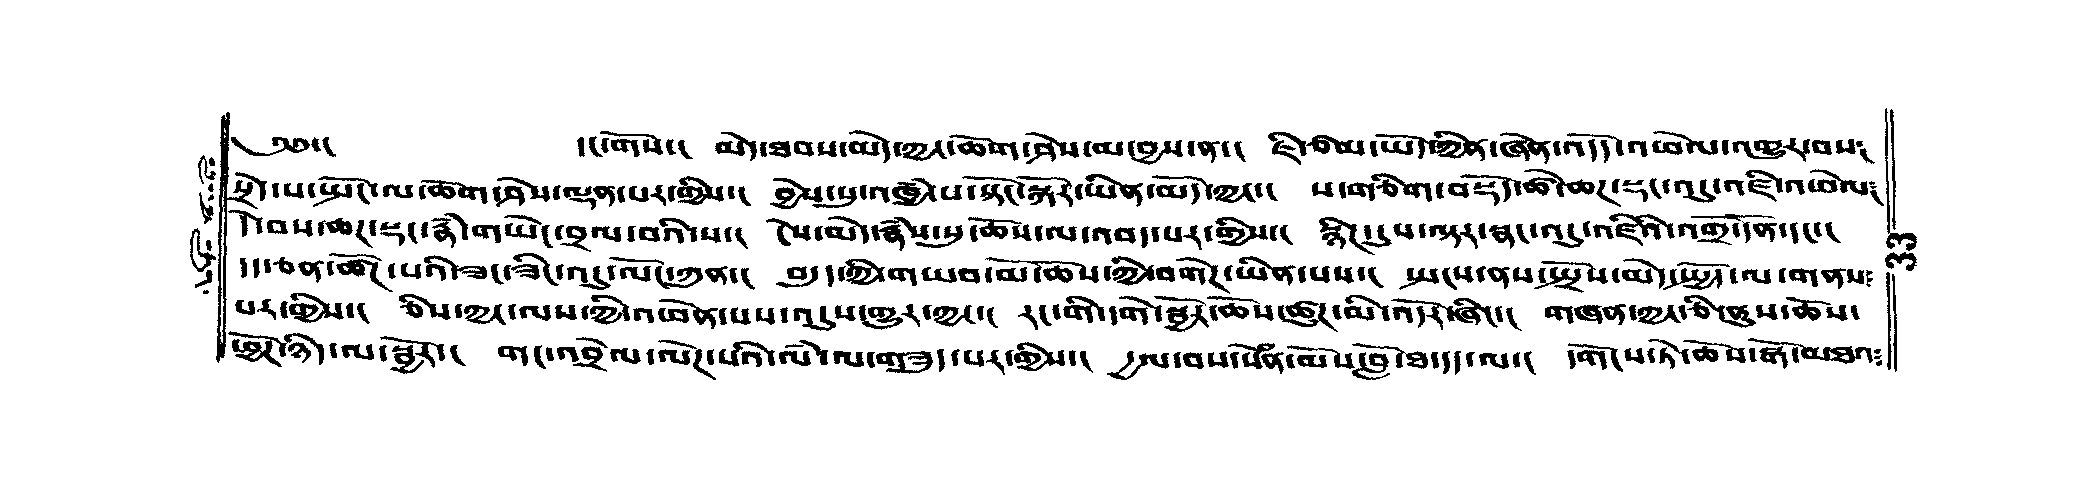དང་གོས། །མེད་ཐབས་མེད་ཀྱང་ཆོག་ཤེས་མ་བྱས་ན། །ཇི་ཙམ་ཡོད་ཀྱིན་ཞེ་འདོད་འཕེལ་འགྱུར་བས། །
སྲེད་པ་སྤོང་ལ་ཆོག་ཤེས་ལྡན་པར་གྱིས། །བྱེས་སུ་འཁྱམ་པ་སྟོང་སྐོར་ཡིན་མོད་ཀྱང་། །ས་གཅིག་བསྡོད་ཚེ་ཆགས་སྡང་འདུ་འཛི་འཕེལ། །
དེ་བས་ཆགས་སྡང་རྣམ་གཡེང་བྲལ་བའི་ས། །ངེས་མེད་རྣམས་སུ་ཆོས་ལ་འབད་པར་གྱིས། །སྙིགས་དུས་ལྟར་སྣང་འདུ་འཛི་འགྲོ་དོན་དང་། །
དད་ཅན་ཚོགས་པའི་ཟང་ཟིང་འདུ་ལོང་ཀུན། །བདུད་ཀྱི་གཡབ་མོ་ཆོས་ཀྱི་བགེགས་ཡིན་པས། །སྤངས་ནས་སྤྲོས་མེད་སྤྱོད་ལ་གནས་
པར་གྱིས། །ཅིས་ཀྱང་ལས་ཀྱིས་འཕེན་པས་འདུས་གྱུར་ན། །རང་གི་དགེ་སྦྱོར་ཆོས་ཚུགས་མི་འདོར་ཞིང་། །གཞན་ཀྱང་ཅི་ནུས་ཆོས་
ཕྱོགས་ཉིད་ལ་སྦྱོར། །གང་འབྲེལ་ལེགས་པའི་ལམ་ལ་གཟུད་པར་གྱིས། །རྒྱལ་བས་སེམས་ཅན་མོས་བློ་ཐ་དད་ལ། །དགོངས་ཏེ་ཆོས་སྒོ་མཐའ་